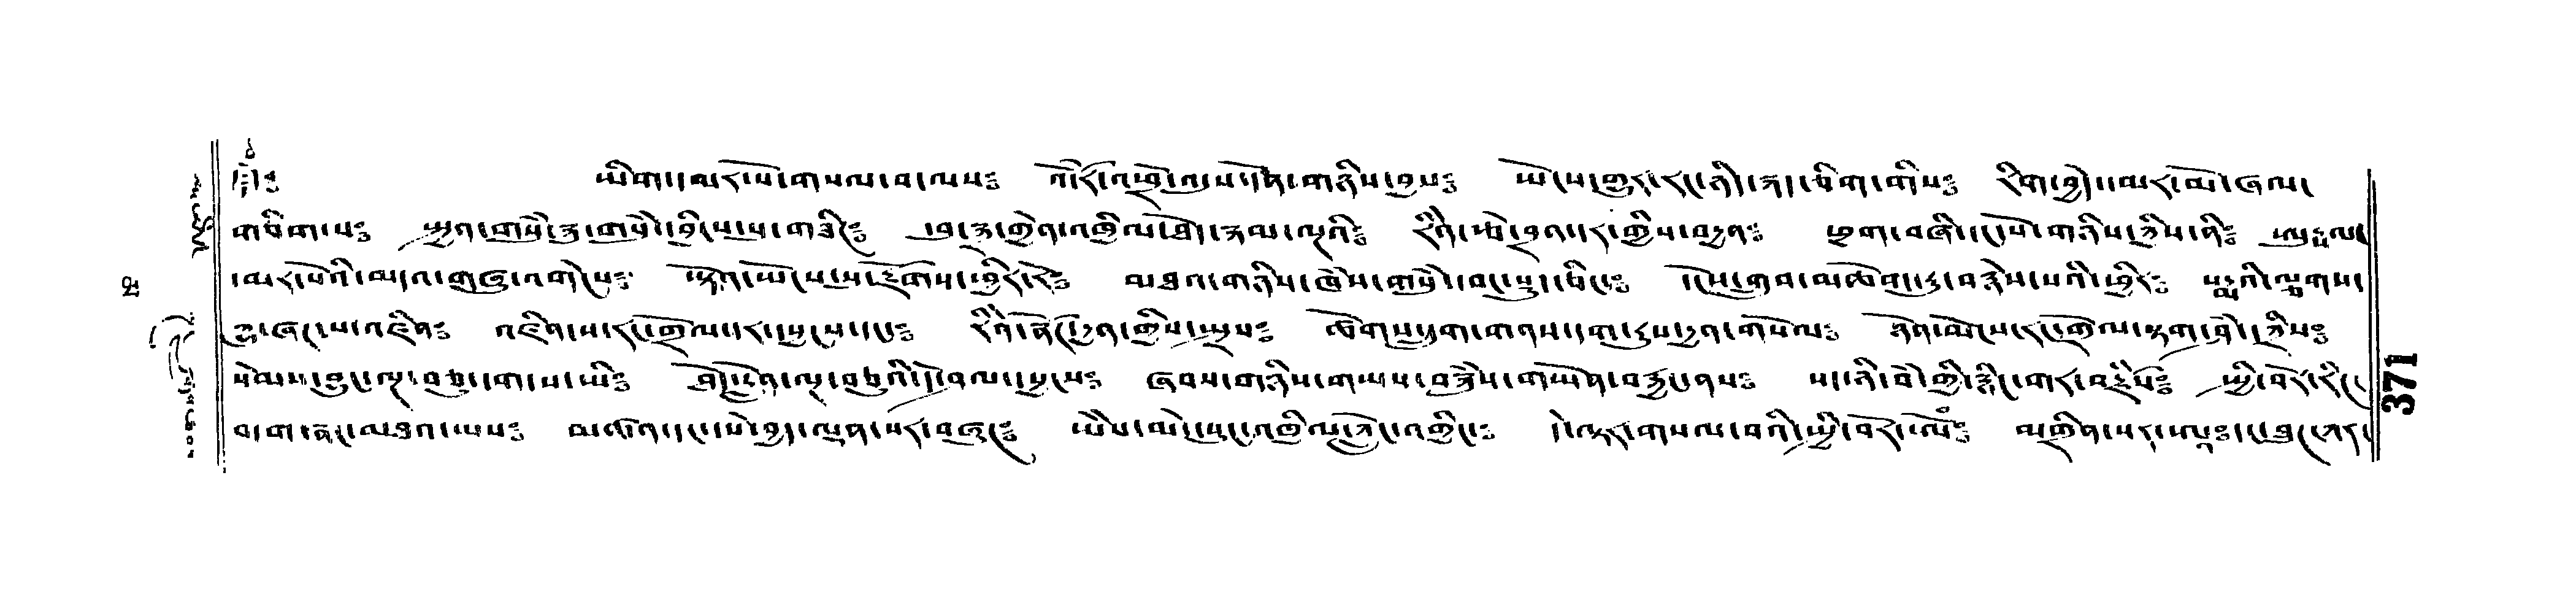ཡིག་དམར་པོ་གསལ་བ་ལས༔ འོད་ཟེར་འཕྲོ་འདུས་དོན་གཉིས་བྱས༔ ཡོངས་གྱུར་རང་ཉིད་སྐད་ཅིག་གིས༔ རིག་བྱེད་ལྷ་མོ་ཞལ་
གཅིག་པ༔ སྤྱན་གསུམ་སྐུ་གསུམ་དབྱིངས་སུ་གཟིགས༔ དབུ་སྐྲ་གྱེན་འཁྱིལ་ཐོད་སྐམ་ལྔའི༔ རིན་ཆེན་རྩེ་བྲན་དར་གྱིས་བརྒྱན༔ ཕྱག་བཞི་དང་པོ་གཉིས་ཀྱིས་ནི༔ ཨུཏྤལ་
དམར་པོའི་མདའ་གཞུ་འགེངས༔ ཡོན་ཏན་ཡོངས་སུ་རྫོགས་ཕྱིར་རོ༔ མཐའ་གཉིས་ཁམས་གསུམ་དབང་སྡུད་ཅིང༔ དངོས་གྲུབ་མཆོག་ཏུ་བརྙེས་པའི་ཕྱིར༔ པདྨའི་ལྕགས་
ཀྱུ་ཞགས་པ་འཛིན༔ འཛིན་པ་རང་གྲོལ་དར་དཔྱངས་དང༔ རིན་ཆེན་སྣ་ཚོགས་རྒྱན་གྱིས་སྤྲས༔ ཚོགས་དྲུག་གནས་དག་རུས་རྒྱན་གསོལ༔ ཉོན་མོངས་རང་གྲོལ་སྟག་ཤམ་དཀྲིས༔ 
སེམས་བྱུང་ལྔ་བཅུ་དག་པ་ཡི༔ ཐོད་རློན་ལྔ་བཅུའི་དོ་ཤལ་དཔྱངས༔ ཞབས་གཉིས་གཡས་བསྐུམས་གཡོན་བརྐྱང་ནས༔ པད་ཉི་བམ་གྱི་སྙིང་གར་བརྫིས༔ སྤྱི་བོར་རིགས་
བདག་སྣང་མཐའ་ཡས༔ མཚན་དང་དཔེ་བྱད་ལྡན་པར་བཞུགས༔ ཡེ་ཤེས་མེད་པུང་འཁྱིལ་ཀློང་འགྱིང༔དེ་ལྟར་གསལ་བའི་སྤྱི་བོར་ཨོཾ༔ མགྲིན་པར་ཨཱཿདང་ཐུགས་ཀར་